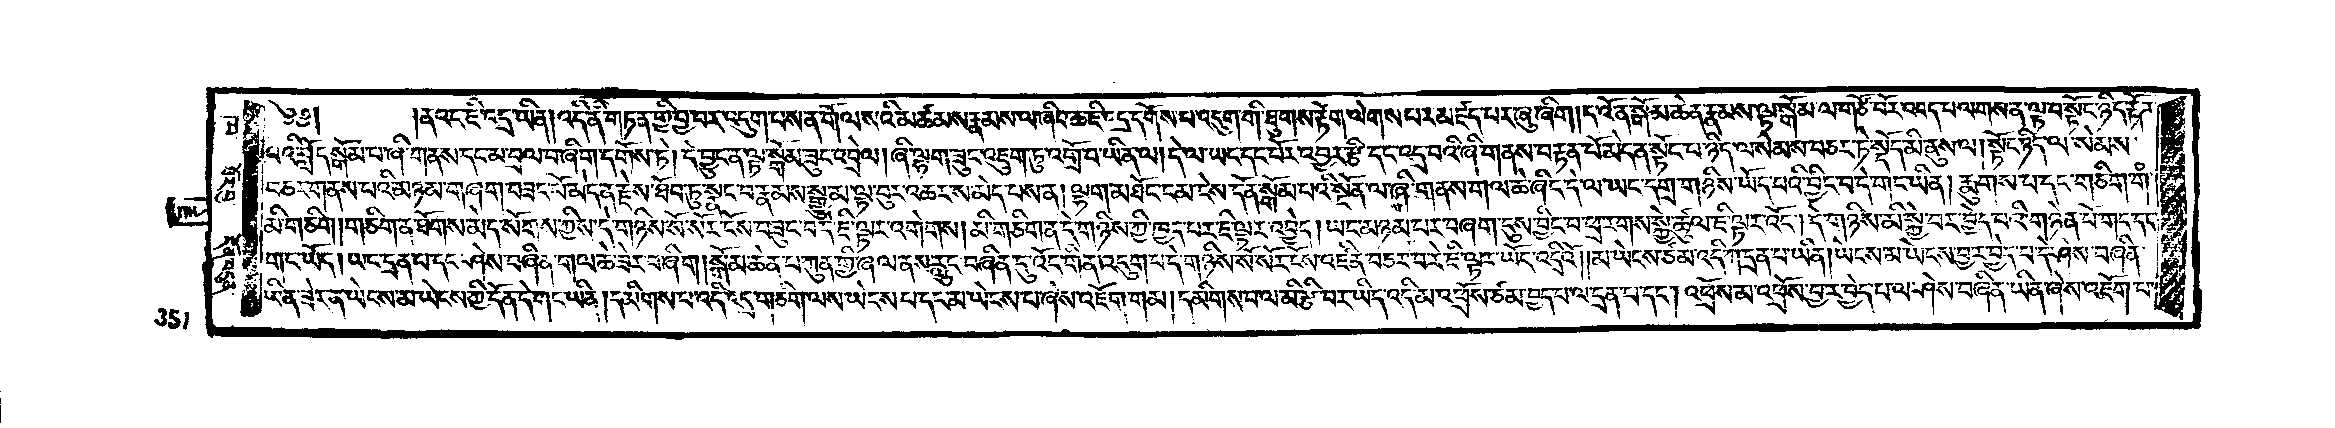༄༅། །ནའང་ཇི་འདྲ་ཡིན། འདི་ནི་གཏན་གྱི་བྱ་བར་འདུག་པས་ན་གོལ་སའི་མཚམས་རྣམས་ལ་ཞིབ་ཆ་ཇི་འདྲ་དགོས་པ་འདུག་གི་ཐུགས་རྟོག་ལེགས་པར་མཛད་པར་ཞུ་ཞིག །ད་འོ་ན་སྒོམ་ཆེན་རྣམས་ལྟ་སྒོམ་ལ་གཙོ་བོར་འབད་པ་ལགས་ན་ལྟ་བ་སྟོང་ཉིད་རྟོགས་
པའི་བློ་དེ་སྒོམ་པ་ཞི་གནས་དང་མ་བྲལ་བ་ཞིག་དགོས་ཏེ། དེ་བྱུང་ན་ལྟ་སྒོམ་ཟུང་འབྲེལ། ཞི་ལྷག་ཟུང་འཇུག་ཏུ་འགྲོ་བ་ཡིན་ལ། དེ་ལ་ཡང་དང་པོར་འབྱར་རྩི་དང་འདྲ་བའི་ཞི་གནས་བརྟན་པོ་མེད་ན་སྟོང་པ་ཉིད་ལ་སེམས་བཅར་ཏེ་སྡོད་མི་ནུས་ལ། སྟོང་ཉིད་ལ་སེམས་
བཅར་གནས་པའི་མཉམ་གཞག་བཟང་པོ་མེད་ན་རྗེས་ཐོབ་ཏུ་སྣང་བ་རྣམས་སྒྱུ་མ་ལྟ་བུར་འཆར་ས་མེད་པས་ན། ལྷག་མཐོང་ངམ་ངེས་དོན་སྒོམ་པའི་སྔོན་ལ་ཞི་གནས་གལ་ཆེ་ཞིང་དེ་ལ་ཡང་དགྲ་གཉིས་ཡོད་པའི་བྱིང་བ་དེ་གང་ཡིན། རྨུགས་པ་དང་གཅིག་གཾ་
མི་གཅིག །གཅིག་ན་ཐོགས་མེད་སོགས་ཀྱིས་དེ་གཉིས་སོ་སོར་ངོས་བཟུང་བ་དེ་ཇི་ལྟར་འགེགས། མི་གཅིག་ན་དེ་གཉིས་ཀྱི་ཁྱད་པར་ཇི་ལྟར་འབྱེད། ཡང་མཉམ་པར་བཞག་དུས་བྱིང་བ་ཕྲ་རགས་སྐྱེ་ཚུལ་ཇི་ལྟར་འོང་། དེ་གཉིས་མི་སྐྱེ་བར་བྱེད་པའི་གཉེན་པོ་གང་དང་
གང་ཡོད། ཡང་དྲན་པ་དང་ཤེས་བཞིན་གལ་ཆེ་ཟེར་བ་ཞིག །སྒོམ་ཆེན་པ་ཀུན་གྱི་ཞལ་ནས་རླུང་བཞིན་དུ་འོང་གིན་འདུག་པ་དེ་གཉིས་སོ་སོར་ངོས་འཛིན་བཅར་བ་རེ་ཇི་ལྟར་ཡོད་འདྲིའོ། །མ་ཡེངས་ཙམ་འདི་ཀ་དྲན་པ་ཡིན། ཡེངས་མ་ཡེངས་བྱ་ར་བྱེད་པ་དེ་ཤེས་བཞིན་
ཡིན་ཟེར་ན་ཡེངས་མ་ཡེངས་ཀྱི་དོན་དེ་གང་ཡིན། དམིགས་པ་འདི་འདྲ་གཅིག་ལས་ཡེངས་པ་དང་མ་ཡེངས་པ་ཞེས་འཇོག་གམ། དམིགས་པ་ལ་མི་རྩི་བར་ཡིད་འདི་མ་འཕྲོས་ཙམ་བྱེད་པ་ལ་དྲན་པ་དང་། འཕྲོས་མ་འཕྲོས་བྱ་ར་བྱེད་པ་ལ་ཤེས་བཞིན་ཡིན་ཞེས་འཇོག་པ་